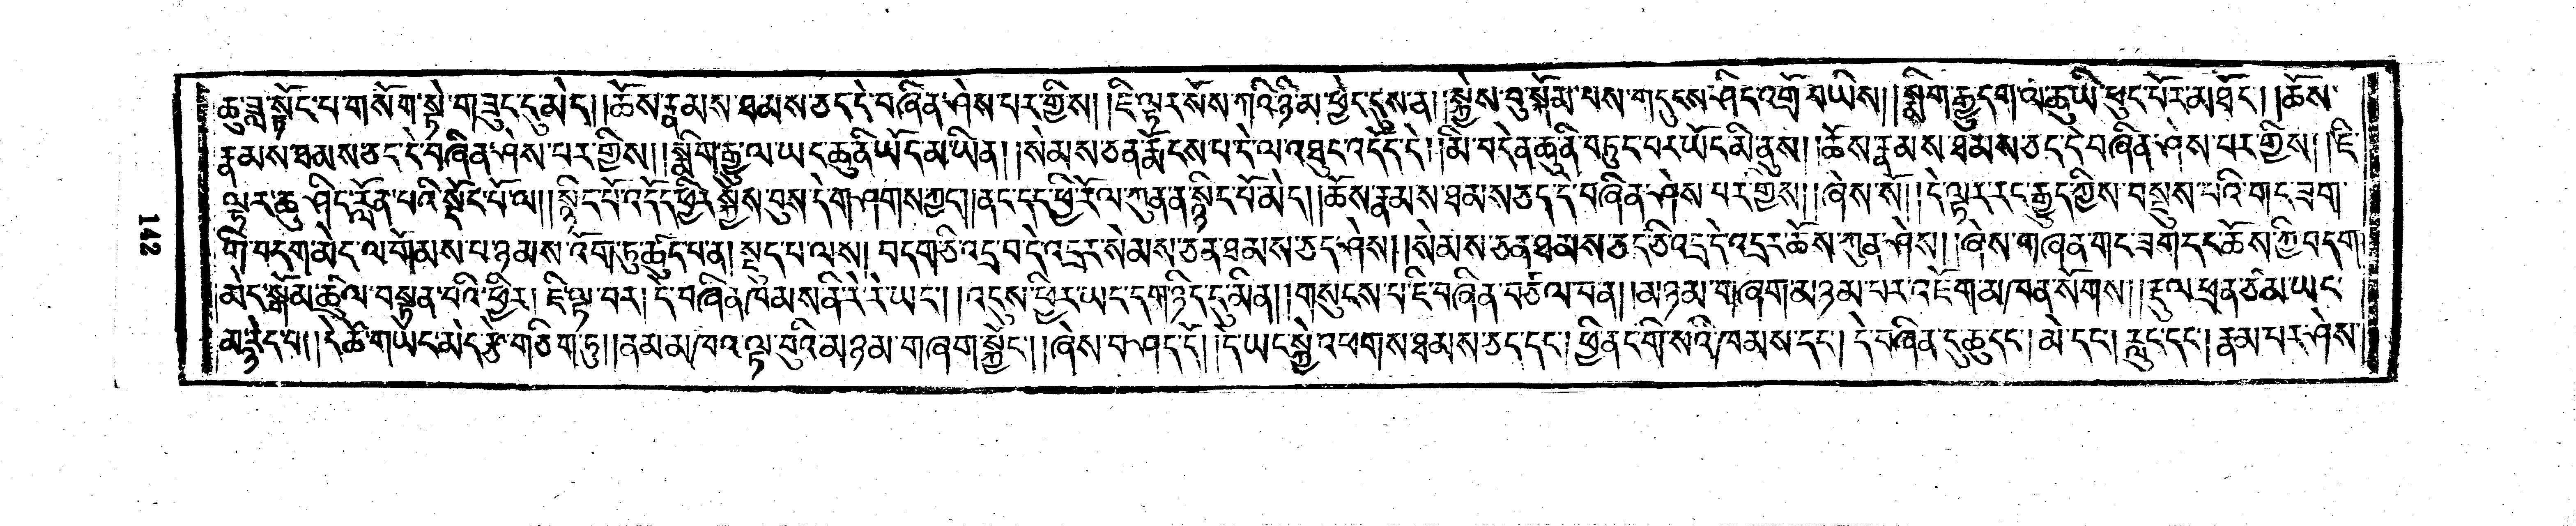ཆུ་ཟླ་སྟོང་པ་གསོག་སྟེ་གཟུང་དུ་མེད། །ཆོས་རྣམས་ཐམས་ཅད་དེ་བཞིན་ཤེས་པར་གྱིས། །ཇི་ལྟར་སོས་ཀའི་ཉི་མ་ཕྱེད་དུས་ན། །སྐྱེས་བུ་སྒོམ་པས་གདུངས་ཤིང་འགྲོ་བ་ཡིས། །སྨིག་རྒྱུ་དག་ལ་ཆུ་ཡི་ཕུང་པོར་མཐོང་། །ཆོས་
རྣམས་ཐམས་ཅད་དེ་བཞིན་ཤེས་པར་གྱིས། །སྨིག་རྒྱུ་ལ་ཡང་ཆུ་ནི་ཡོད་མ་ཡིན། །སེམས་ཅན་རྨོངས་པ་དེ་ལ་འཐུང་འདོད་དེ། །མི་བདེན་ཆུ་ནི་བཏུང་བར་ཡོང་མི་ནུས། །ཆོས་རྣམས་ཐམས་ཅད་དེ་བཞིན་ཤེས་པར་གྱིས། །ཇི་
ལྟར་ཆུ་ཤིང་རློན་པའི་སྡོང་པོ་ལ། །སྙིང་པོ་འདོད་ཕྱིར་སྐྱེས་བུས་དེ་གཤགས་ཀྱང་། །ནང་དང་ཕྱི་རོལ་ཀུན་ན་སྙིང་པོ་མེད། །ཆོས་རྣམས་ཐམས་ཅད་དེ་བཞིན་ཤེས་པར་གྱིས། །ཞེས་སོ། །དེ་ལྟར་རང་རྒྱུད་ཀྱིས་བསྡུས་པའི་གང་ཟག་
གི་བདག་མེད་ལ་གོམས་པ་ཉམས་འོག་ཏུ་ཆུད་པ་ན། སྡུད་པ་ལས། བདག་ཅི་འདྲ་བ་དེ་འདྲར་སེམས་ཅན་ཐམས་ཅད་ཤེས། །སེམས་ཅན་ཐམས་ཅད་ཅི་འདྲ་དེ་འདྲར་ཆོས་ཀུན་ཤེས། །ཞེས་གཞན་གང་ཟག་དང་ཆོས་ཀྱི་བདག་
མེད་སྒོམ་ཚུལ་བསྟན་པའི་ཕྱིར། ཇི་ལྟ་བར། དེ་བཞིན་ཁམས་ནི་རེ་རེ་ཡང་། །འདུས་ཕྱིར་ཡང་དག་ཉིད་དུ་མིན། །གསུངས་པ་ཇི་བཞིན་བཙལ་བ་ན། །མཉམ་གཞག་མཉམ་པར་འཇོག་མཁན་སོགས། །རྡུལ་ཕྲན་ཙམ་ཡང་
མ་རྙེད་པ། །དེ་ཚེ་གཡེང་མེད་རྩེ་གཅིག་ཏུ། །ནམ་མཁའ་ལྟ་བུའི་མཉམ་གཞག་སྐྱོང་། །ཞེས་བཤད་དོ། །དེ་ཡང་སྐྱེ་འཕགས་ཐམས་ཅད་དང་། ཕྱི་ནང་གི་སའི་ཁམས་དང་། དེ་བཞིན་དུ་ཆུ་དང་། མེ་དང་། རླུང་དང་། རྣམ་པར་ཤེས་